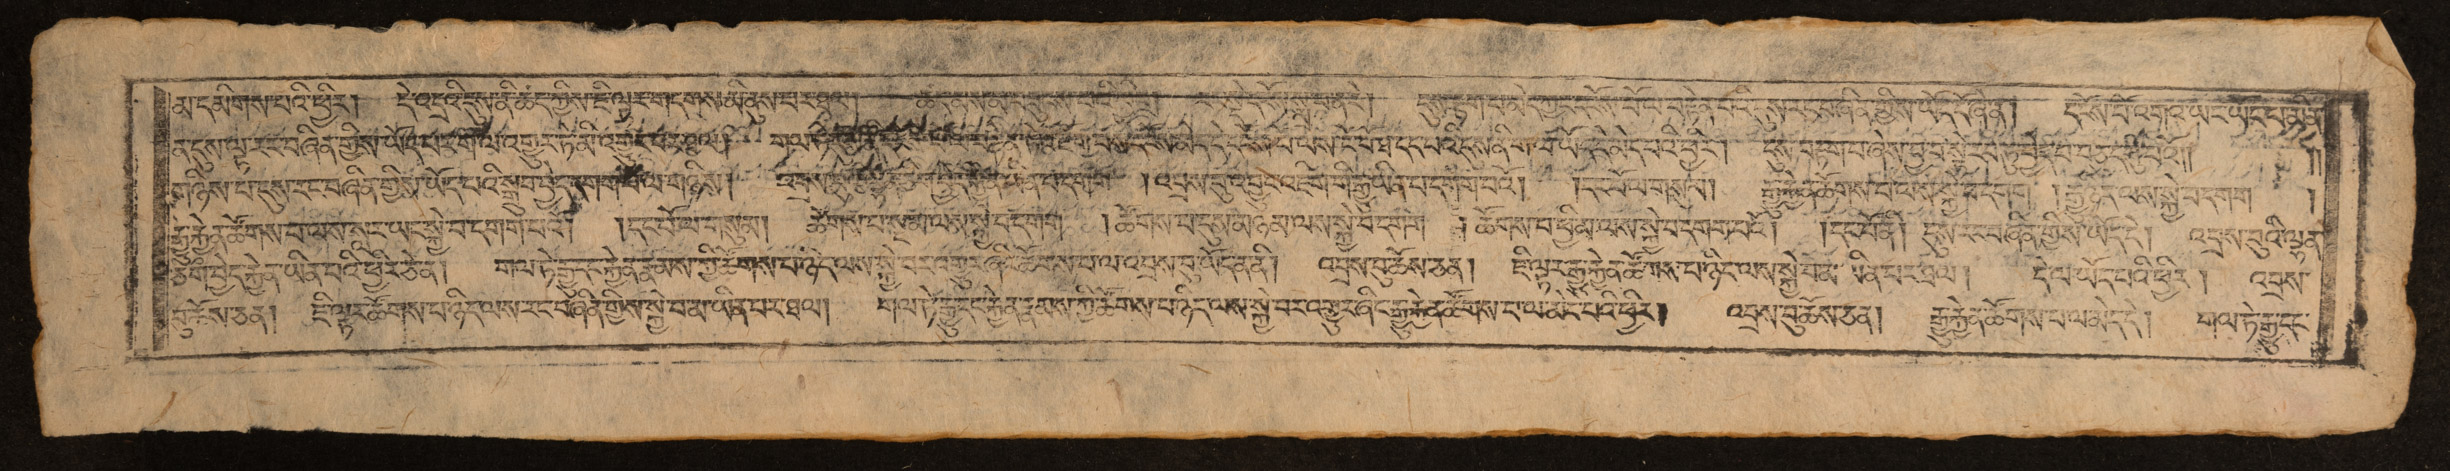མ་དམིགས་པའི་ཕྱིར། དེ་འདྲའི་དུས་ནི་ཚད་ཀྱིས་ཇི་ལྟར་གདགས་མི་ནུས་པར་ཐལ། ཚད་མས་མ་བཟུངས་པའི་ཕྱིར། རང་སྡེ་དངོས་སྨྲ་བ་ན་རེ། དུས་རྟག་པ་མེད་ཀྱང་དངོས་པོ་ལ་བརྟེན་པའི་དུས་རང་བཞིན་གྱིས་ཡོད་དོ་ཞེ་ན། དངོས་པོ་འགའ་ཡང་ཡོད་པ་མིན་
ན་དུས་ལྟ་རང་བཞིན་གྱིས་ཡོད་པར་ག་ལ་འགྱུར་ཏེ་མི་འགྱུར་བར་ཐལ། གལ་ཏེ་དུས་ནི་དངོས་པོ་ལ་བརྟེན་ཏེ་འཇིག་པས་དངོས་མེད་དེ་དངོས་པོ་ལས་ངོ་བོ་ཐ་དད་པའི་དུས་ནི་ག་ལ་ཡོད་དེ་མེད་པའི་ཕྱིར། དུས་བརྟག་པ་ཞེས་བྱ་བ་སྟེ་རབ་ཏུ་བྱེད་པ་བཅུ་དགུ་པའོ།། །།
གཉིས་པ་དུས་རང་བཞིན་གྱིས་ཡོད་པའི་སྒྲུབ་བྱེད་དགག་པ་ལ་གཉིས། འབྲས་བུའི་ལྷན་ཅིག་བྱེད་རྐྱེན་ཡིན་པ་དགག །འབྲས་བུ་འབྱུང་འཇིག་གི་རྒྱུ་ཡིན་པ་དགག་པའོ། །དང་པོ་ལ་གསུམ། རྒྱུ་རྐྱེན་ཚོགས་པ་ལས་སྐྱེ་བ་དགག །རྒྱུ་ཉིད་ལས་སྐྱེ་བ་དགག།
རྒྱུ་རྐྱེན་ཚོགས་པ་ལས་སླར་ཡང་སྐྱེ་བ་དགག་པའོ། །དང་པོ་ལ་གསུམ། ཚོགས་པ་སྔ་མ་ལས་སྐྱེ་བ་དགག །ཚོགས་པ་དུས་མཉམ་ལས་སྐྱེ་བ་དགག །ཚོགས་པ་ཕྱི་མ་ལས་སྐྱེ་བ་དགག་པའོ། །དང་པོ་ནི། དུས་རང་བཞིན་གྱིས་ཡོད་དེ། འབྲས་བུའི་ལྷན་
ཅྀག་བྱེད་རྐྱེན་ཡིན་པའི་ཕྱིར་ཅེ་ན། གལ་ཏེ་རྒྱུ་དང་རྐྱེན་རྣམས་ཀྱི་ཚོགས་པ་ཉིད་ལས་སྐྱེ་བར་འགྱུར་ཞིང་ཚོགས་པ་ལ་འབྲས་བུ་ཡོད་ན་ནི། །འབྲས་བུ་ཆོས་ཅན། ཇི་ལྟར་རྒྱུ་རྐྱེན་ཚོགས་པ་ཉིད་ལས་སྐྱེ་བ་མ་ཡིན་པར་ཐལ། དེ་ལ་ཡོད་པའི་ཕྱིར། འབྲས་
བུ་ཆོས་ཅན། ཇི་ལྟར་ཚོགས་པ་ཉིད་ལས་རང་བཞིན་གྱིས་སྐྱེ་བ་མ་ཡིན་པར་ཐལ། གལ་ཏེ་རྒྱུ་དང་རྐྱེན་རྣམས་ཀྱི་ཚོགས་པ་ཉིད་ལས་སྐྱེ་བར་འགྱུར་ཞིང་རྒྱུ་རྐྱེན་ཚོགས་པ་ལ་མེད་པའི་ཕྱིར། འབྲས་བུ་ཆོས་ཅན། རྒྱུ་རྐྱེན་ཚོགས་པ་ལ་མེད་དེ། གལ་ཏེ་རྒྱུ་དང་